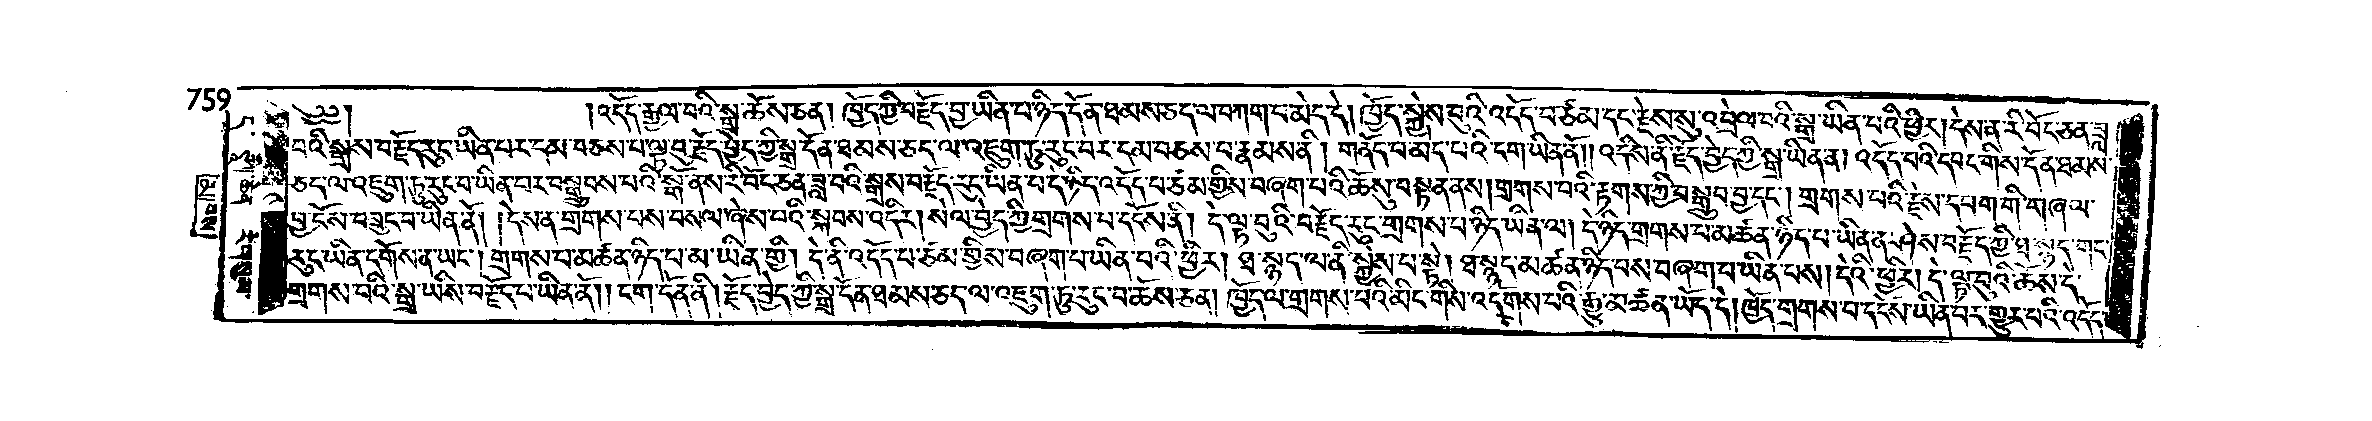༄༅། །འདོད་རྒྱལ་བའི་སྒྲ་ཆོས་ཅན། ཁྱོད་ཀྱི་བརྗོད་བྱ་ཡིན་པ་ཉིད་དོན་ཐམས་ཅད་ལ་བཀག་པ་མེད་དེ། ཁྱོད་སྐྱེས་བུའི་འདོད་པ་ཙམ་དང་རྗེས་སུ་འབྲེལ་བའི་སྒྲ་ཡིན་པའི་ཕྱིར། དེས་ན་རི་བོང་ཅན་ཟླ་
བའི་སྒྲས་བརྗོད་རུང་ཡིན་པར་དམ་བཅས་པ་ལྟ་བུ་རྗོད་བྱེད་ཀྱི་སྒྲ་དོན་ཐམས་ཅད་ལ་འཇུག་ཏུ་རུང་བར་དམ་བཅས་པ་རྣམས་ནི། གནོད་པ་མེད་པའི་ངག་ཡིན་ནོ། །འདིས་ནི་རྗོད་བྱེད་ཀྱི་སྒྲ་ཡིན་ན། འདོད་པའི་དབང་གིས་དོན་ཐམས་
ཅད་ལ་འཇུག་ཏུ་རུང་བ་ཡིན་པར་བསྒྲུབས་པའི་སྒོ་ནས་རི་བོང་ཅན་ཟླ་བའི་སྒྲས་བརྗོད་རུང་ཡིན་པ་དེ་ཉིད་འདོད་པ་ཙམ་གྱིས་བཞག་པའི་ཆོས་སུ་བསྟན་ནས། གྲགས་པའི་རྟགས་ཀྱི་བསྒྲུབ་བྱ་དང་། གྲགས་པའི་རྗེས་དཔག་གི་གཞལ་
བྱ་ངོས་བཟུང་བ་ཡིན་ནོ། །དེས་ན་གྲགས་པས་བསལ་ཞེས་པའི་སྐབས་འདིར། སེལ་བྱེད་ཀྱི་གྲགས་པ་དངོས་ནི། དེ་ལྟ་བུའི་བརྗོད་རུང་གྲགས་པ་ཉིད་ཡིན་ལ། དེ་ཉིད་གྲགས་པ་མཚན་ཉིད་པ་ཡིན་ན་ཤེས་བརྗོད་ཀྱི་ཐ་སྙད་གང་
རུང་ཡིན་དོགས་ན་ཡང་། གྲགས་པ་མཚན་ཉིད་པ་མ་ཡིན་གྱི། དེ་ནི་འདོད་པ་ཙམ་གྱིས་བཞག་པ་ཡིན་པའི་ཕྱིར། ཐ་སྙད་ལ་ནི་སྐྱེས་པ་སྟེ། ཐ་སྙད་མཚན་ཉིད་པས་བཞག་པ་ཡིན་པས། དེའི་ཕྱིར། དེ་ལྟ་བུའི་ཆོས་དེ་
གྲགས་པའི་སྒྲ་ཡིས་བརྗོད་པ་ཡིན་ནོ། །ངག་དོན་ནི། རྗོད་བྱེད་ཀྱི་སྒྲ་དོན་ཐམས་ཅད་ལ་འཇུག་ཏུ་རུང་བ་ཆོས་ཅན། ཁྱོད་ལ་གྲགས་པའི་མིང་གིས་འདོགས་པའི་རྒྱུ་མཚན་ཡོད་དེ། ཁྱོད་གྲགས་པ་དངོས་ཡིན་པར་གྱུར་བའི་འདོད་